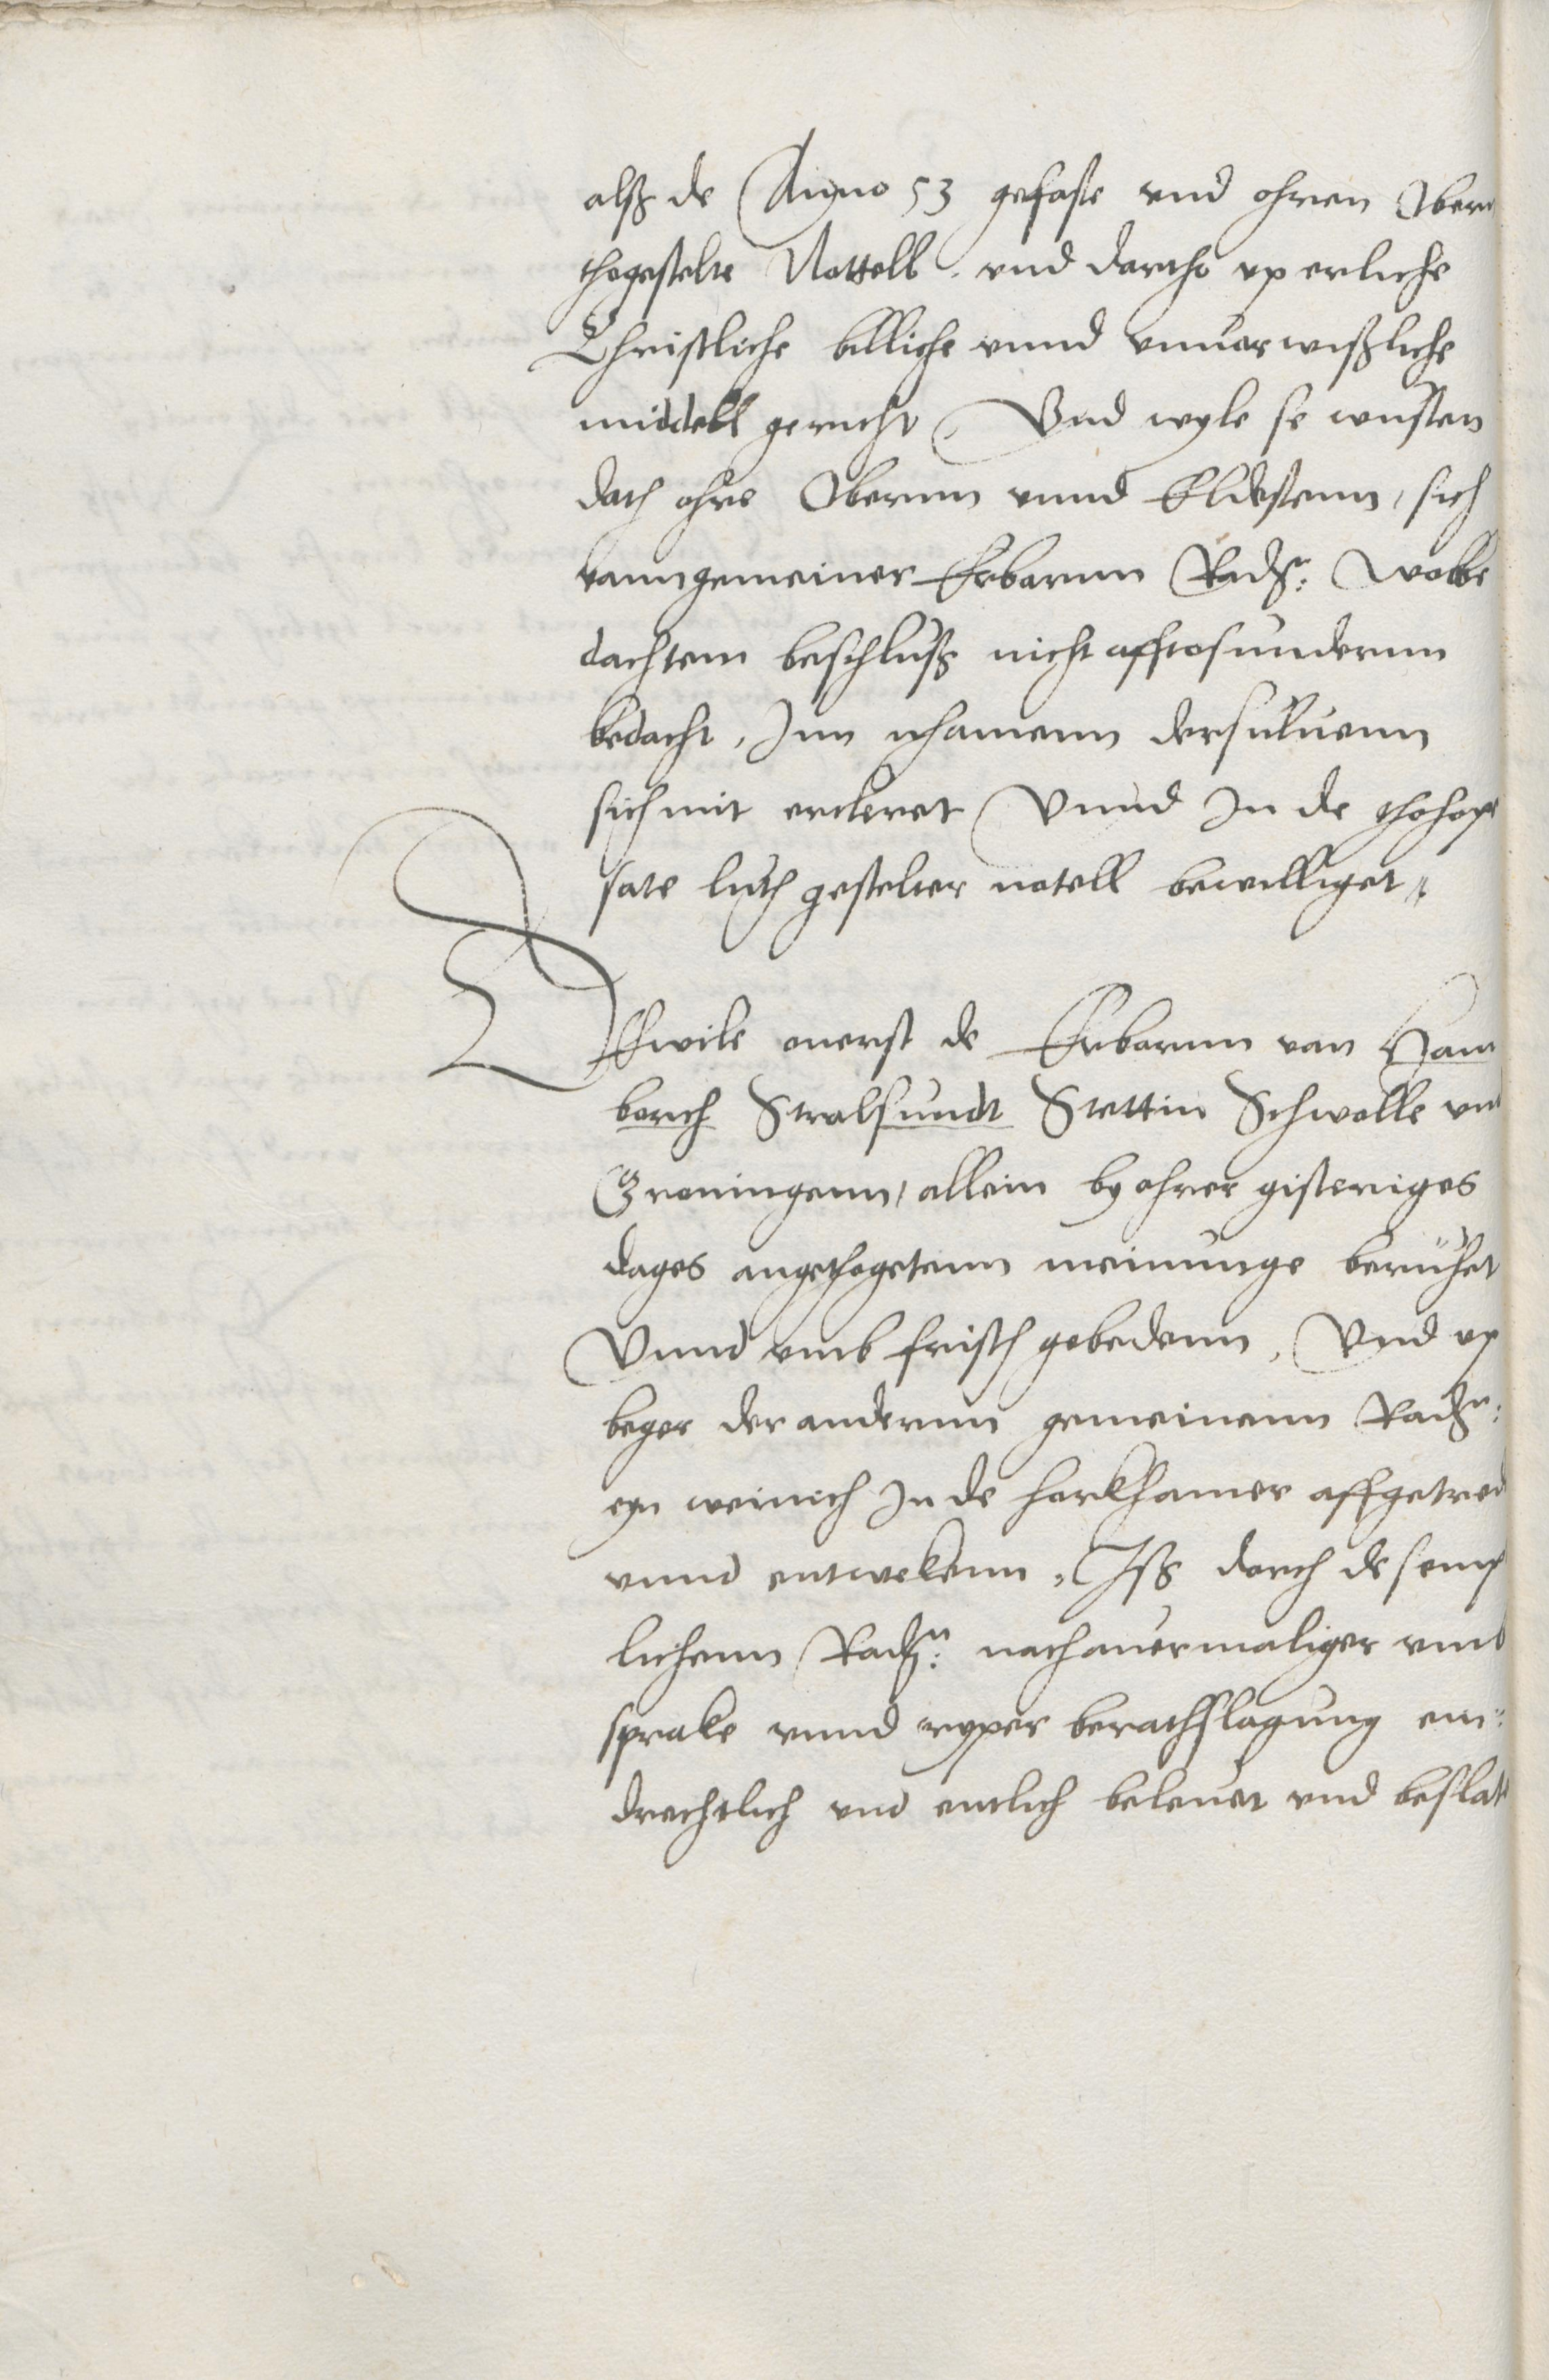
alß de Anno 53 gefaste vnd ohren Obern
thogestelte Nottell, vnd dartho vp etliche
Christliche billiche vnnd vnuorwißliche
middell gericht Vnd wyle se wusten
dath ohre Obernn vnnd Eldestenn, sich
vann gemeiner Erbarnn Rad: wolbe¬
dachtem beschluß nicht afftosundernn
bedacht, jnn nhamenn dersuluenn
sich mit ercleret Vnnd jn de thohope¬
sate luth gestelter notell bewilliget.
DEwile ouerst de Erbarnn van Ham¬
borch Stralsundt Stettin Schwolle vnd
Groningenn, allein by ohrer gisteriges
dages angethogetenn meinunge beruhet
Vnnd vmb fristh gebedenn, Vnd vp
beger der andernn gemeinenn Radessendeboden
eyn weinich jn de horkhamer affgetred
vnnd entwekenn. Jß dorch de sempt
lichenn Rad: nach auermaliger vmb
sprake vnnd ryper berathslagung ein¬
drechtlich vnd entlich beleuet vnd beslate
